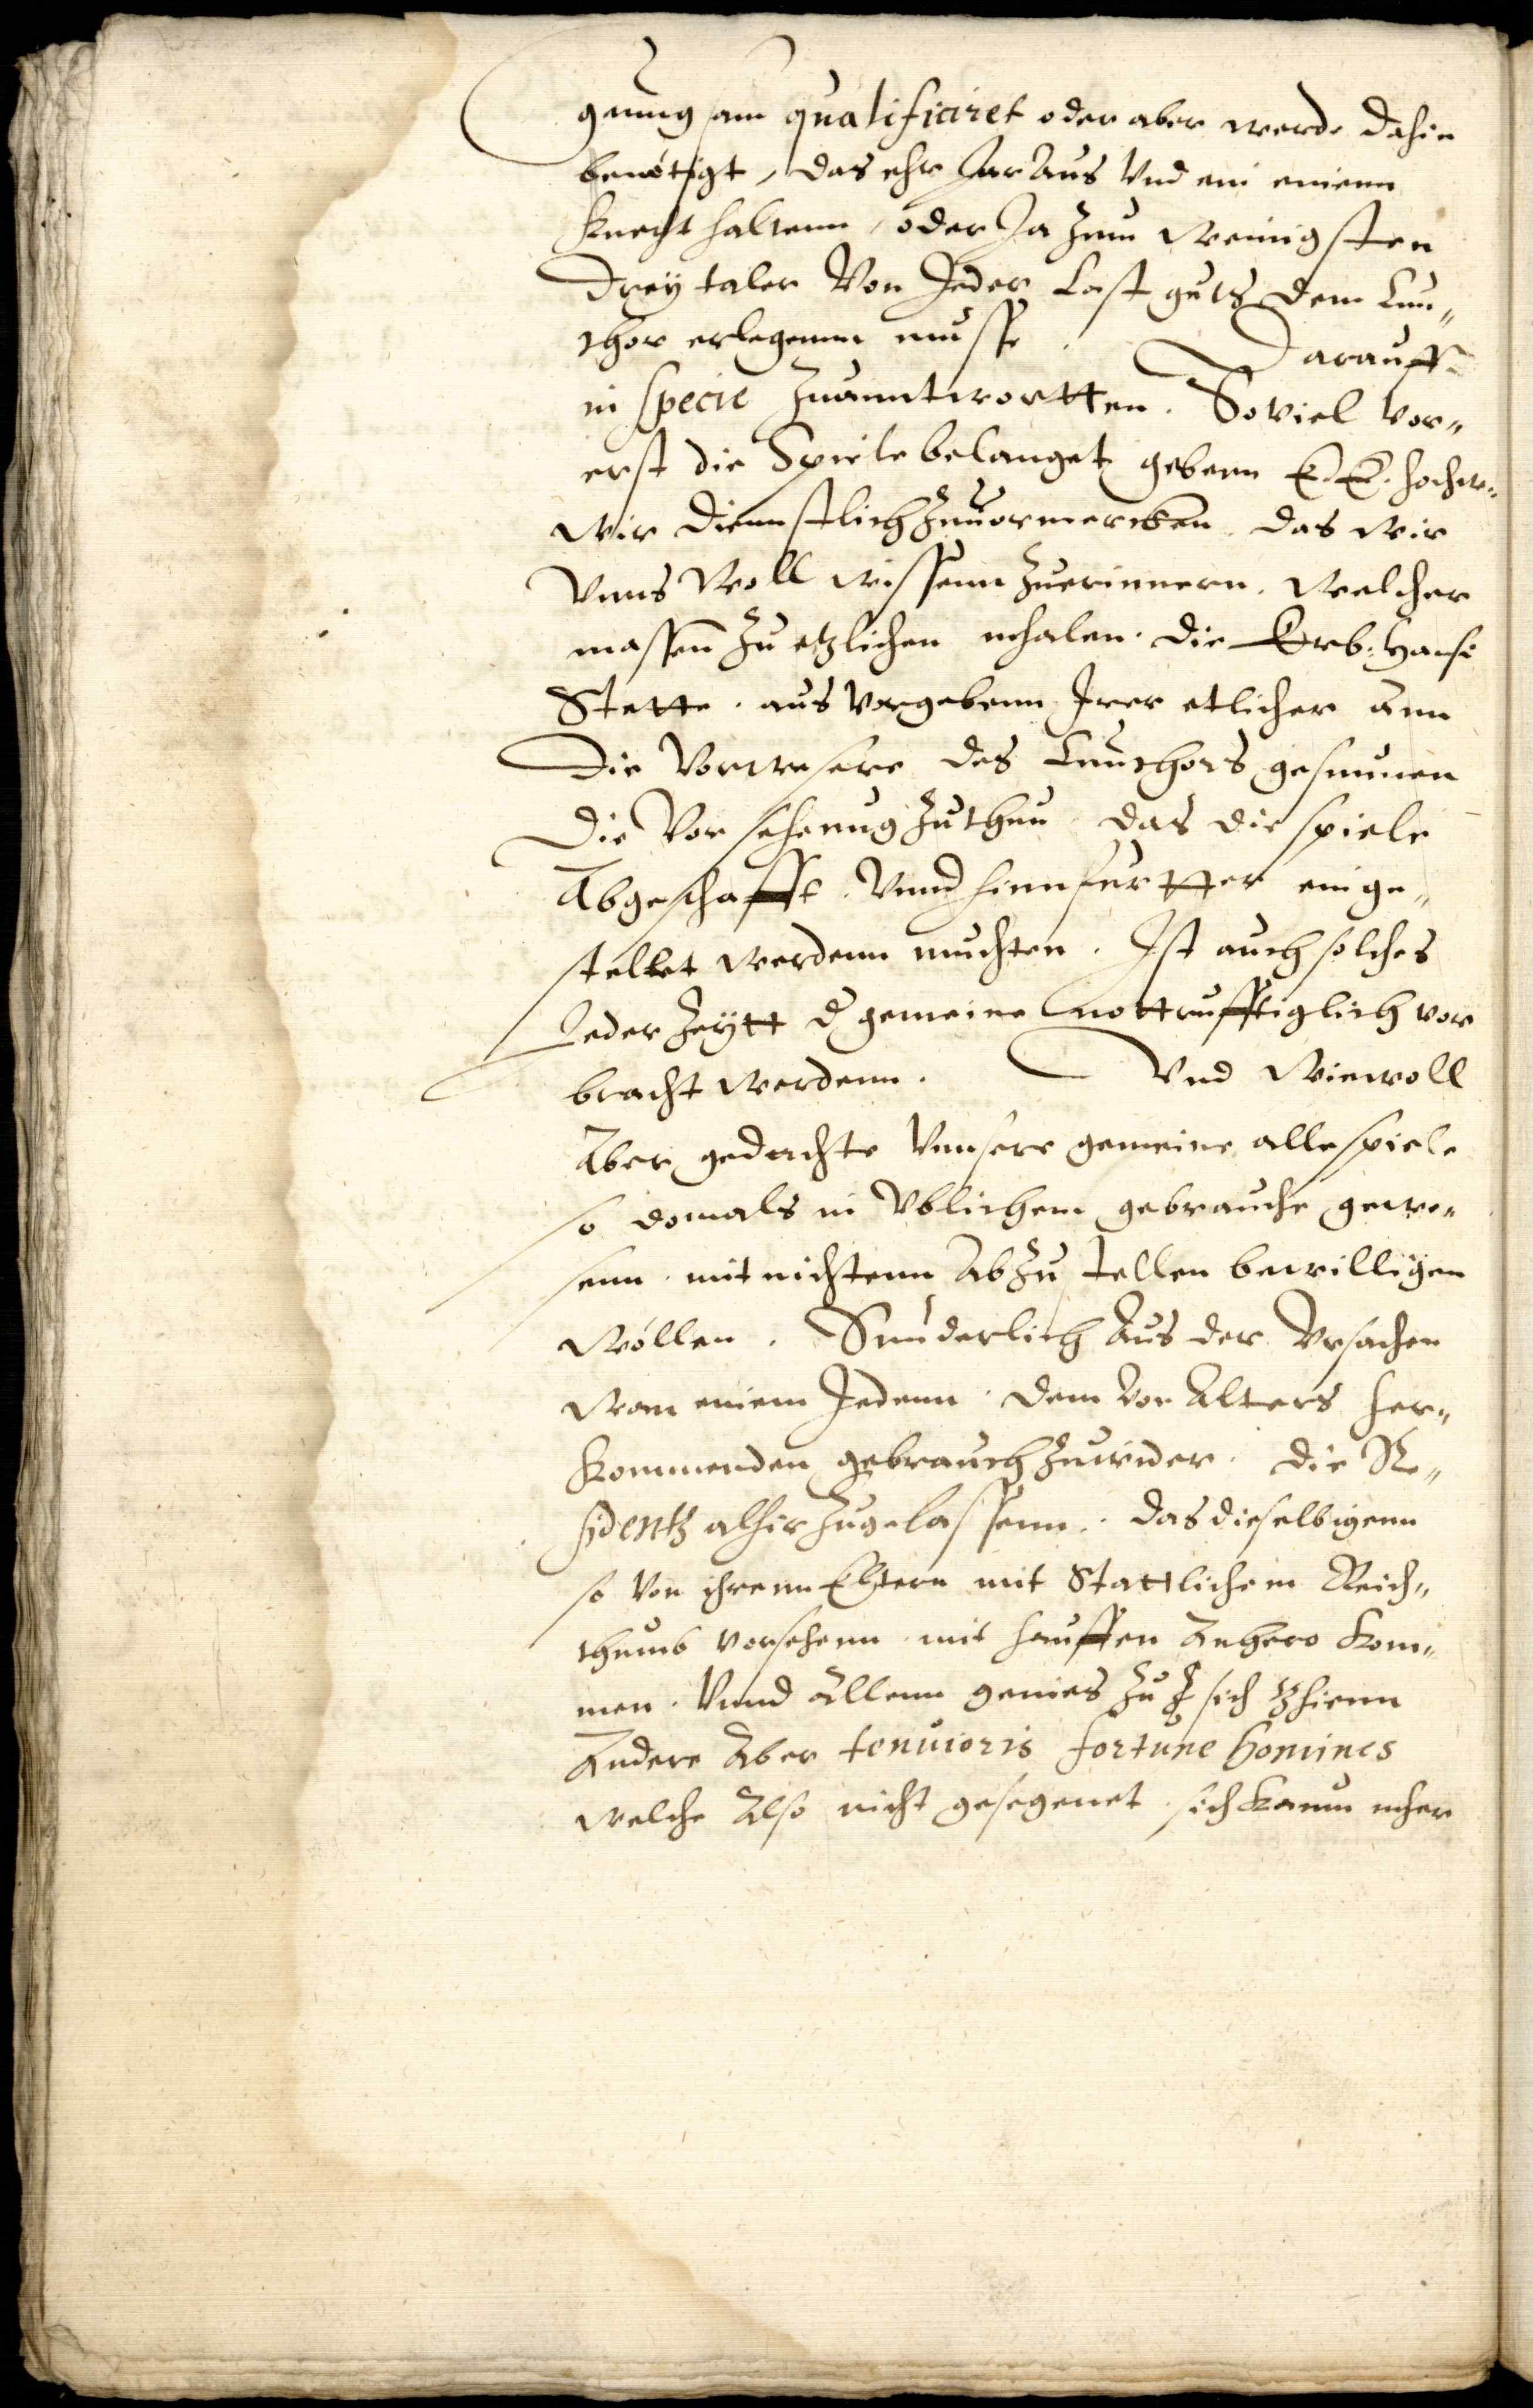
genugsam qualificiret oder aber werde dahin
benötigt, das ehr Jar Aus Vnd ein einenn
Knecht haltenn, oder Ja zum weinigsten
Dreij taler Von Jeder Last guts dem Cun¬
thor erlegenn musse, Darauff
in specie zuanntwortten, So viel vor¬
erst die Spiele belanget gebenn E. E. hochw:
wir diennstlich zuuormercken, das wir
Vnns Woll wissenn zuerinnern, Welcher
massen zu etzlichen mhalen, die Erb: Hanse
Stette, aus vorgabenn Irer etlicher Ann
Die Vorweser des Cunthors gesunnen
Die Vorseheung zuthun das die spiele
Abgeschafft, Vnnd hinnfurtter einge¬
stellet werdenn muchten, Ist auch solches
Ieder Zeijtt der gemeine nottrufftiglich vor
bracht wordenn, Vnd wiewoll
Aber gedachte Vnnsere gemeine alle spiele
so domals in Vblichem gebrauche gewe¬
senn, mit nichtenn Abzustellen bewilligen
wollen, Sunderlich Aus der Vrsachen
Wan einem Iedenn, dem Von Alters her¬
kommenden gebrauch zuwider, die Re¬
sidentz alhir zugelassenn, das dieselbigenn
so Von ihrenn Eltern mit Stattlichem Reich¬
thumb vorsehenn, mit hauffen Anhero Kom¬
men, Vnnd Allenn genies zu Z sich tzhienn
Andere Aber tenuioris fortune Homines
welche Also nicht gesegenet, sich Kaum mher
